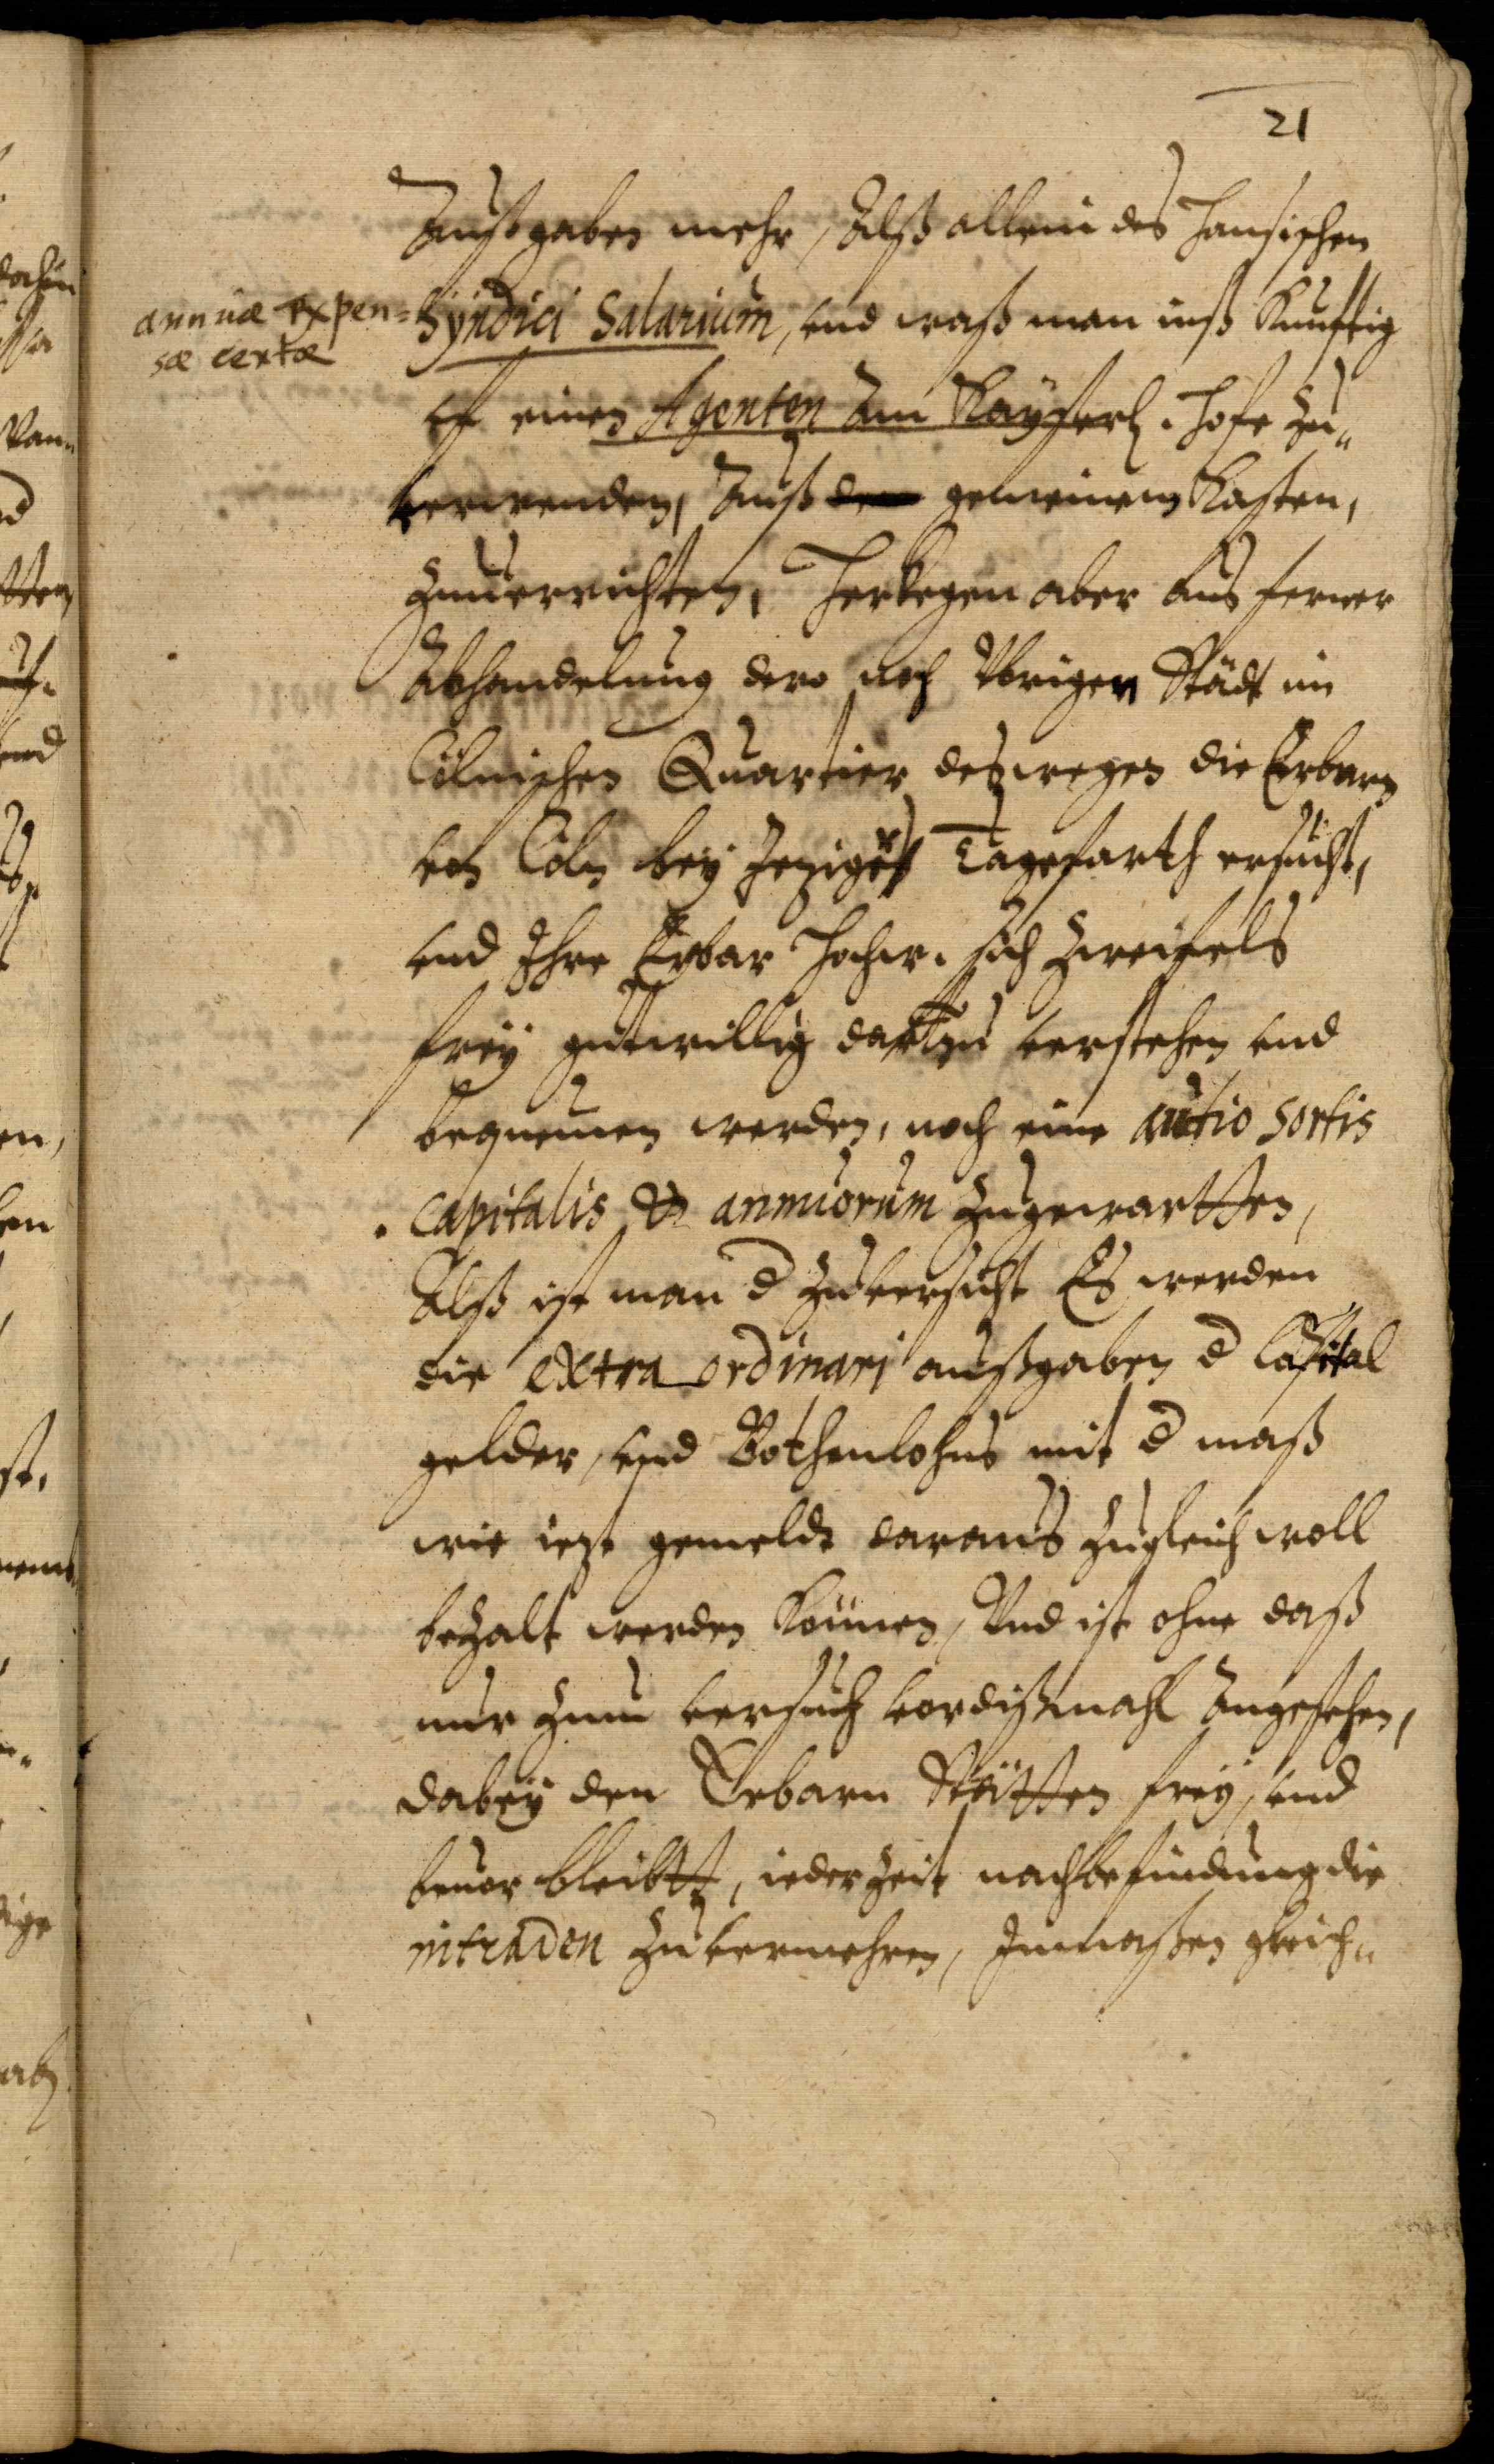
21
Außgaben mehr, alß allein des hansischen
Sijndici salarium, vnd waß man inß kunftig
vf eines Agenten am Kaijserl. hofe zu¬
verwenden, Auß dem gemeinen Kasten,
zuuerrichten, herkegen aber auch ferner
Abhandelung dero noch Vbrigen Städt im
Cölnischen Quartier deswegen die Erbarn
von Cöln beij Jeziger Tagefarth ersucht,
vnd Ihre Erbar hochw. sich zweifels
freij gutwillig dartzu verstehen vnd
bequemen werden, noch eine autio sortis
capitalis & annuorum zu gewartten,
Alß ist man der zuversicht Es werden
die extra ordinari außgaben der Capital
gelder, vnd Bothenlohns mit der maß
wie iezt gemeldt daraus zugleich woll
bezalt werden können, Vnd ist ohne daß
nur zum versuch vordißmahl Angesehen,
dabeij den Erbarn Stätten freij, vnd
beuor bleibtt, iederzeit nachbefundung die
intraden zu vermehren, Inmaßen gleich¬
annuae expen¬
sae certae
